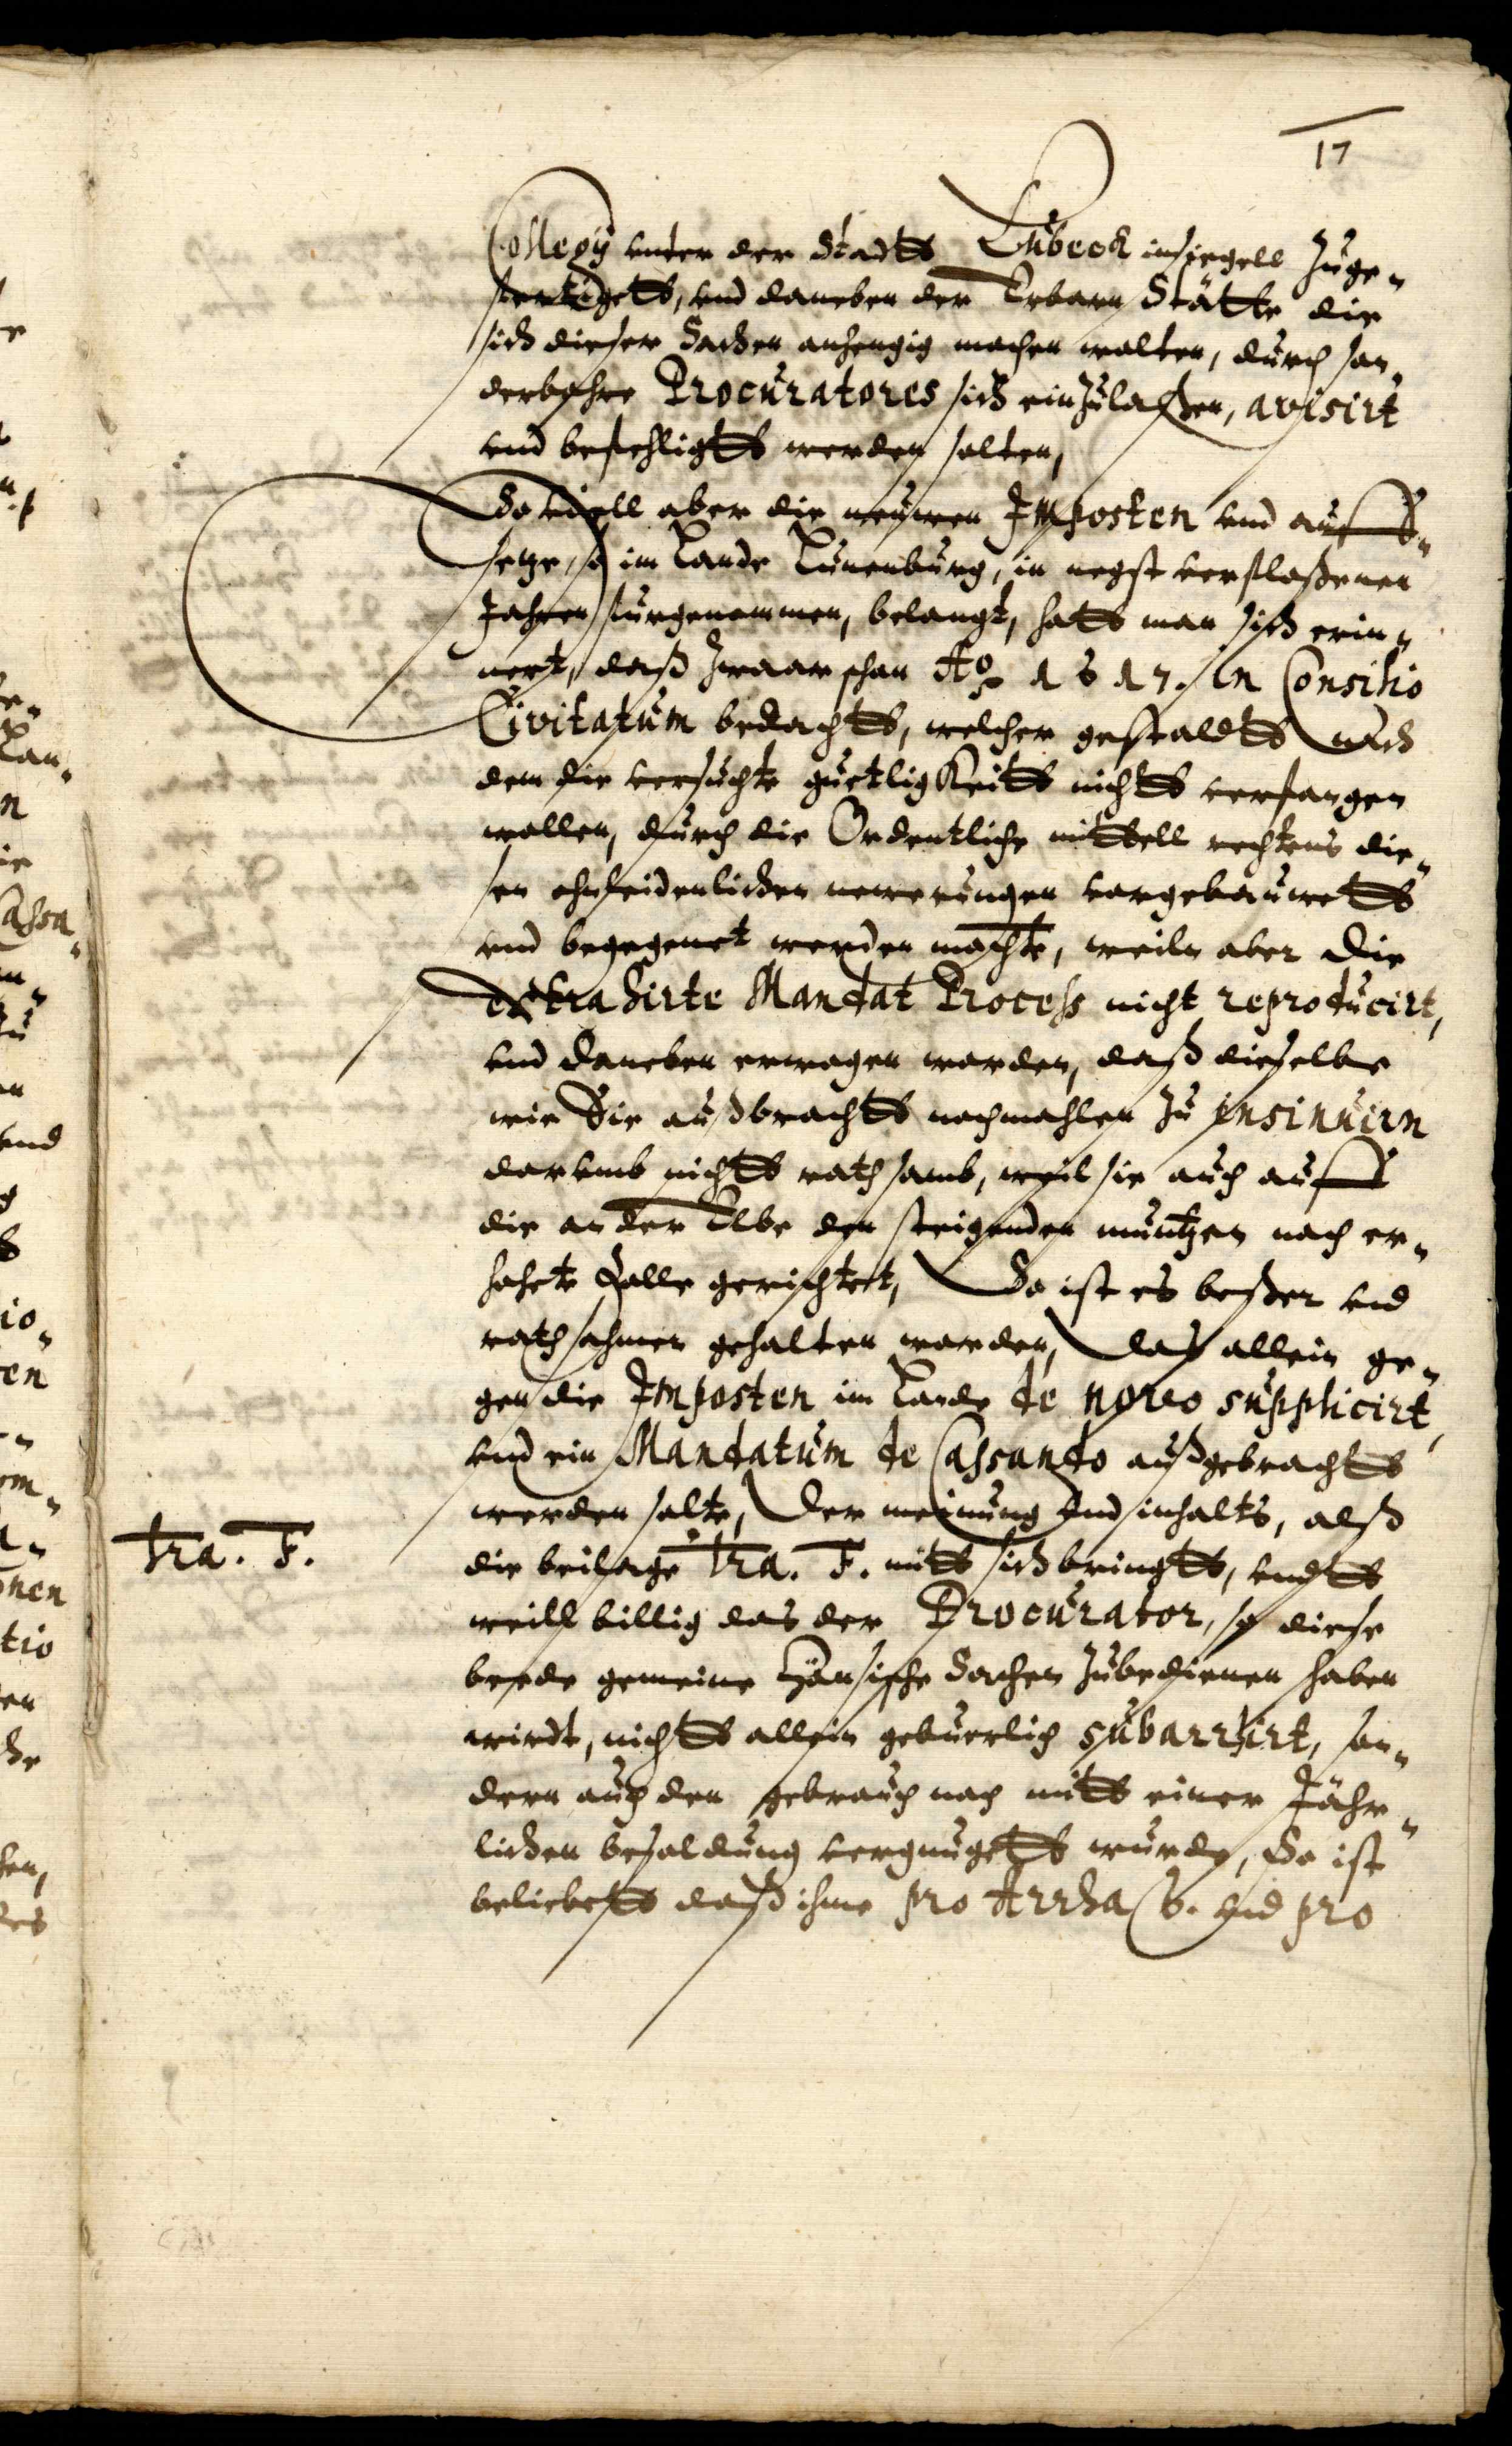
17
tra. F.
Collegij vnter der Stadtt Lubeck insiegell Zuge¬
fertigett, vnd daneben der Erbarn Stätte die
sich dieser Sachen anhengig machen wolten, durch son¬
derbahre Procuratores sich einzulaßen, avisirt
vnd befehligtt werden solten,
So viell aber die neueren Imposten vnd auff¬
seze, so im Lande Lunenburg, in negst verfloßenen
Iahren furgenommen, belangt, hatt man sich erin¬
nert, daß zwaar schon Ao p 1617 in Consilio
Civitatum bedachtt, welcher gestaldtt nach
dem die versuchte guetligkeitt nichtt verfangen
wollen, durch die Ordentliche mittell rechtens die¬
sen ohnleidenlichen newerungen vorgebauwett
vnd begegenet werden mochte, weiln aber die
extrahirte Mandat Process nicht reproducirt,
vnd daneben erwogen worden, daß dieselbe
wie Sie außbrachtt nochmalen Zu insinuirn
darvmb nichtt rathsamb, weil sie auch auff
die an der Elbe den steigenden muntzen nach er¬
hohete Zolle gerichtet, So ist es besser vnd
rathsamer gehalten worden, das allein ge¬
gen die Imposten im Lande de novo supplicirt,
vnd ein Mandatum de Cassundo außgebrachtt
werden solte, der meinung vnd inhalts, alß
die beilage Tra. F. mitt sich bringtt, vndtt
weill billig das der Procurator, so diese
beede gemeine Hänsische Sachen Zubedienen haben
wirdt, nichtt allein gebuerlich subarrhirt, son¬
dern auch den gebrauch nach mitt einer Jähr¬
lichen besoldung vergnugett wurde, So ist
beliebett daß ihme pro Arrha 6. vnd pro
